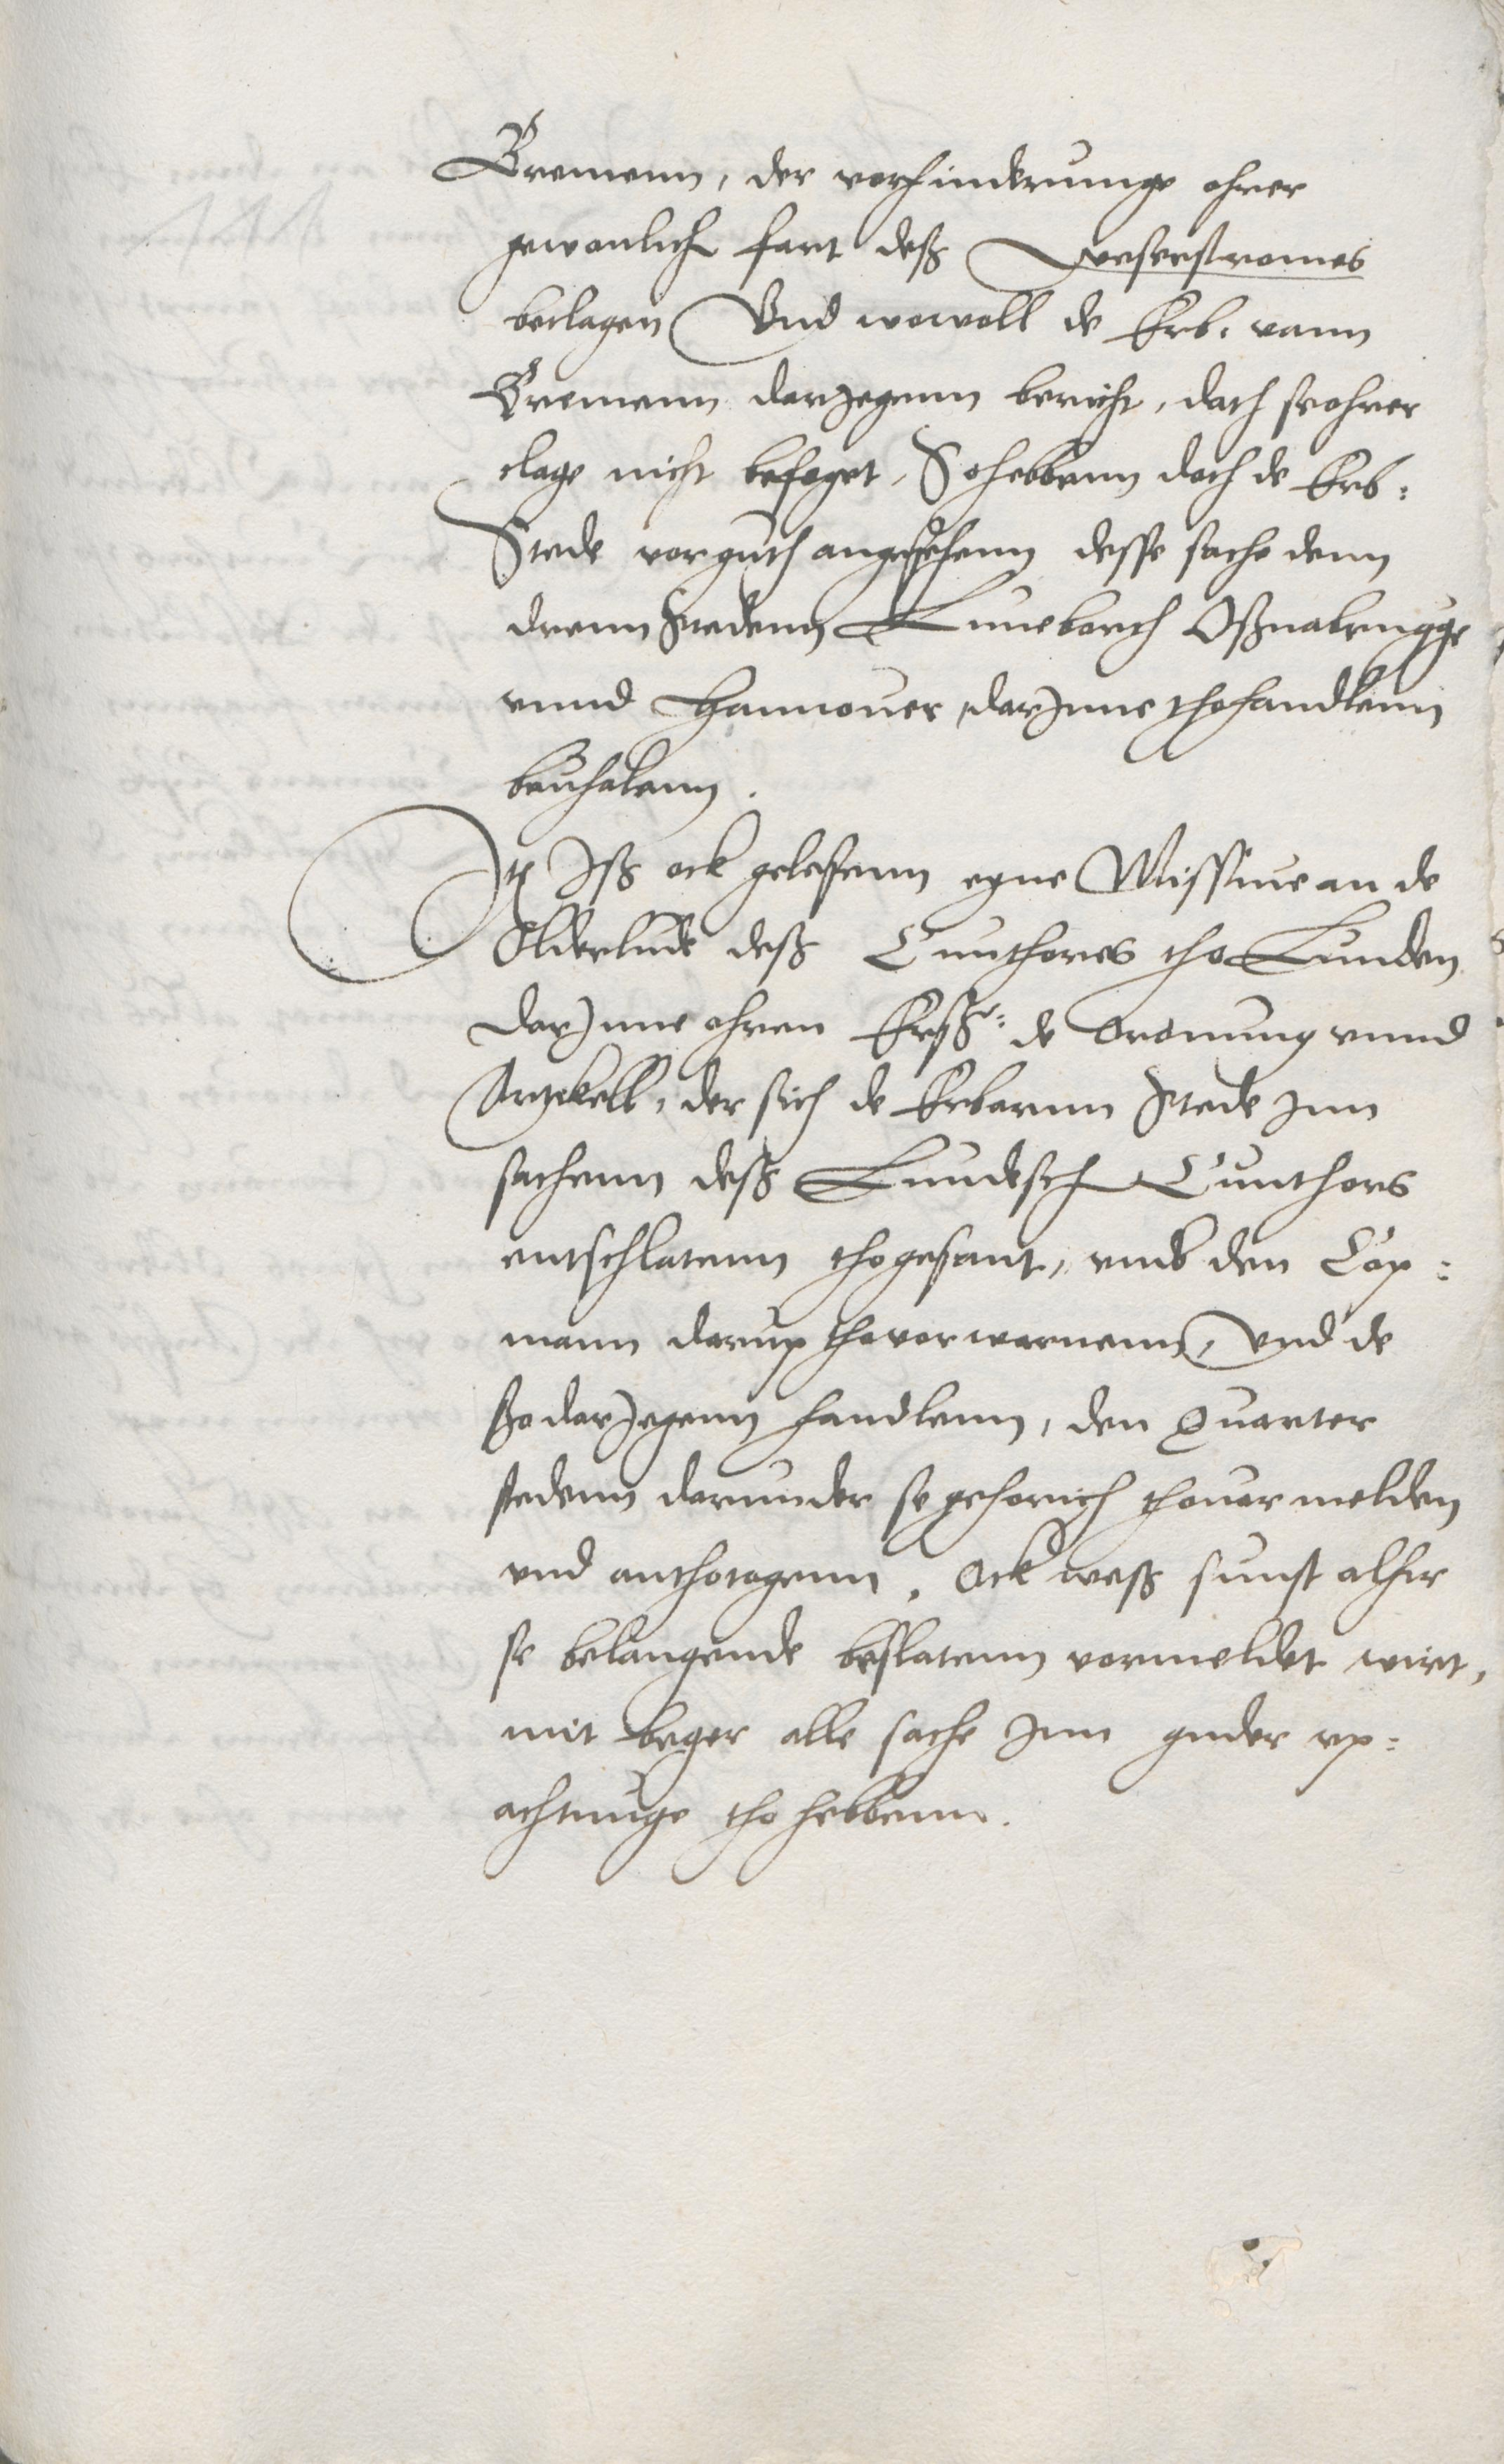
Bremenn, der vorhinderunge ohrer
gewonlichen fart deß Weserstromes
beclagen Vnd wowoll de Erb: vann
Bremenn darjegenn bericht, dath se ohrer
clage nicht befoget, So hebbenn dath de Erb:
Stede vor guth angesehenn desse sache denn
drenn Stedenn Luneborch Oßnabrugge
vnnd Hannouer, darjnne thohandlenn
beuhalenn.
Item jß ock gelesenn eyne Missiue an de
Olderlude deß Cunthores tho Lunden
darjnne ohren Erß: de Ordnung vnnd
Artikell, der sich de Erbarnn Stede jnn
sachenn deß Lundeschen Cunthors
entschlatenn thogesant, vmb den Cop¬
mann darup thovorwarnenn Vnd de
ßo darjegenn handlenn, den Quarter
stedenn darunder se gehorich thouormelden
vnd anthotagenn. Ock weß sunst alhir
se belangende beslatenn vormeldet wirt,
mit beger alle sache jnn guder vp¬
achtunge tho hebbenn.
